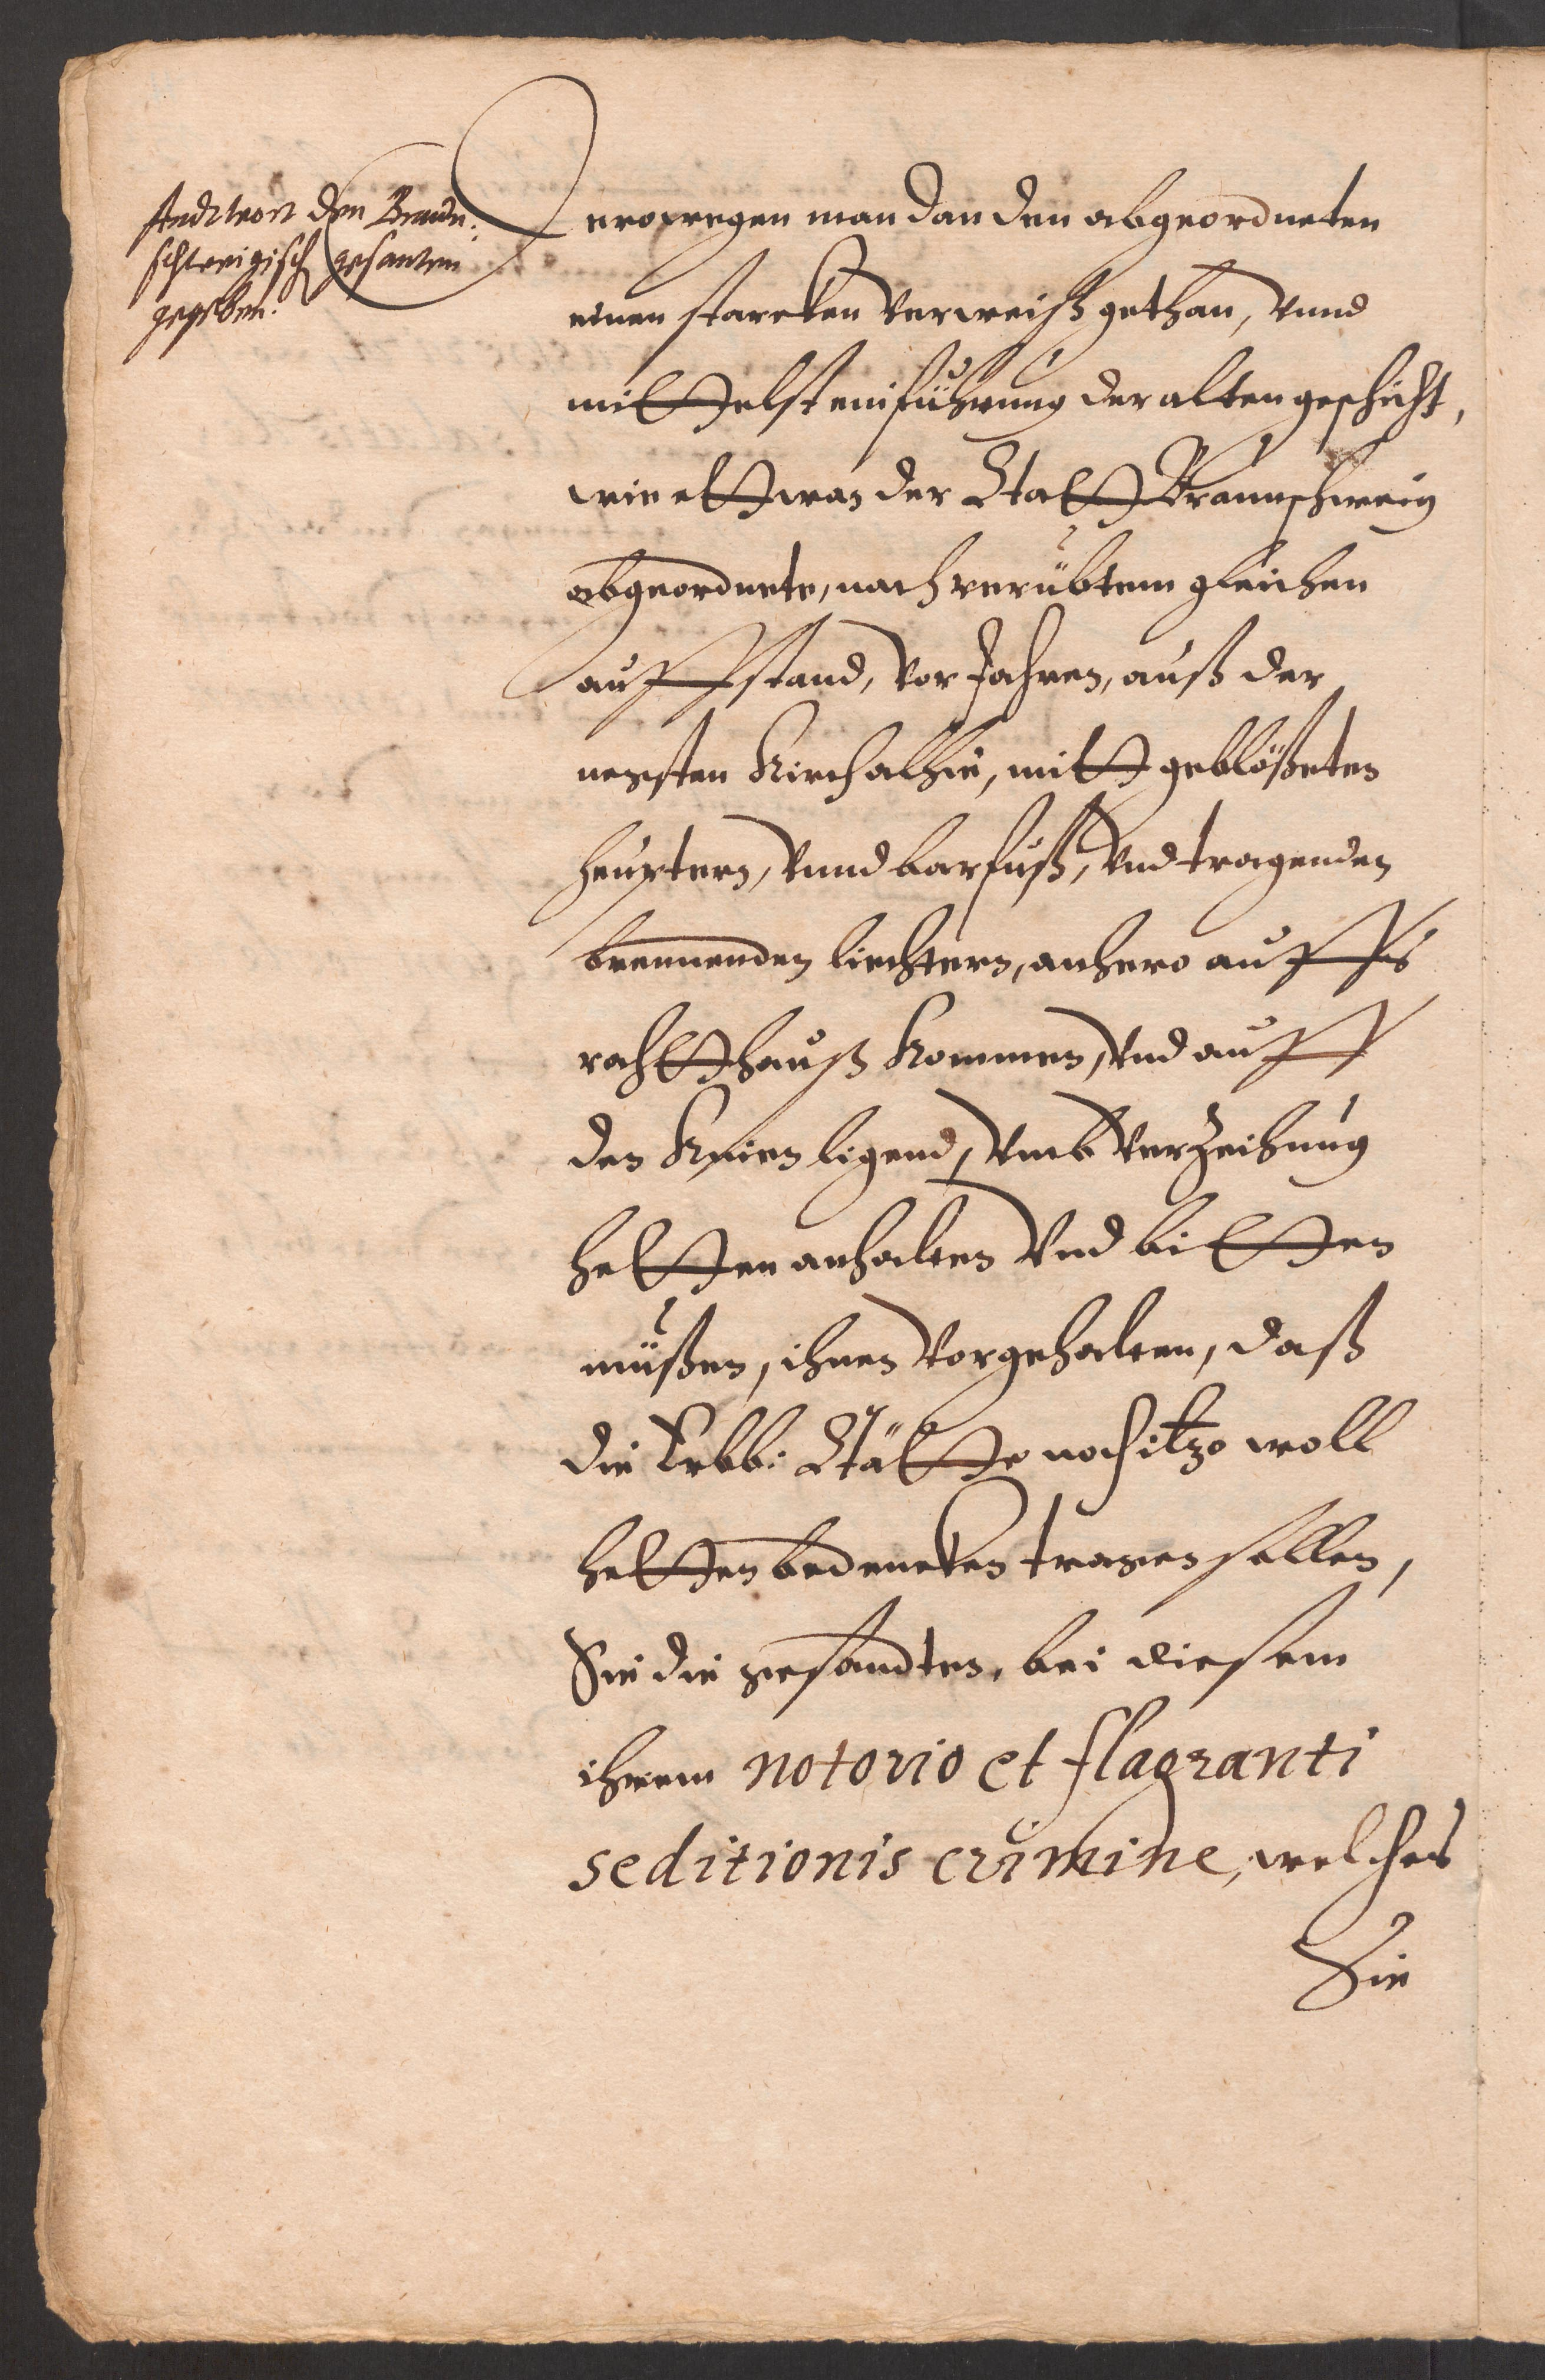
Dero wegen man dan den abgeordneten
einen starcken verweiß gethan, vnnd
mittelst einführung der alten geschicht,
wie ettwas der Statt Braunschweig
abgeordnete, nach verübtem gleichen
auffstand, vor Jahren, auß der
negsten kirch alhie, mitt geblößeten
hauptern, vnnd barfuß, vnd tragenden
brennenden liechtern, anhero auffs
rahtthauß kommrn, vnd auff
den knien ligend, vmb verzeihung
hetten anhalten vnd bitten
müßen, ihren vorgehalten, daß
die Erbb: Stätte noch itzo woll
hetten bedencken tragen sollen,
Sie die gesandten, bei diesem
ihrem notorio et flagranti
seditionis crimine, welches
Sie
Andtwort den Braun¬
schweigischen gesanten
gegeben.
